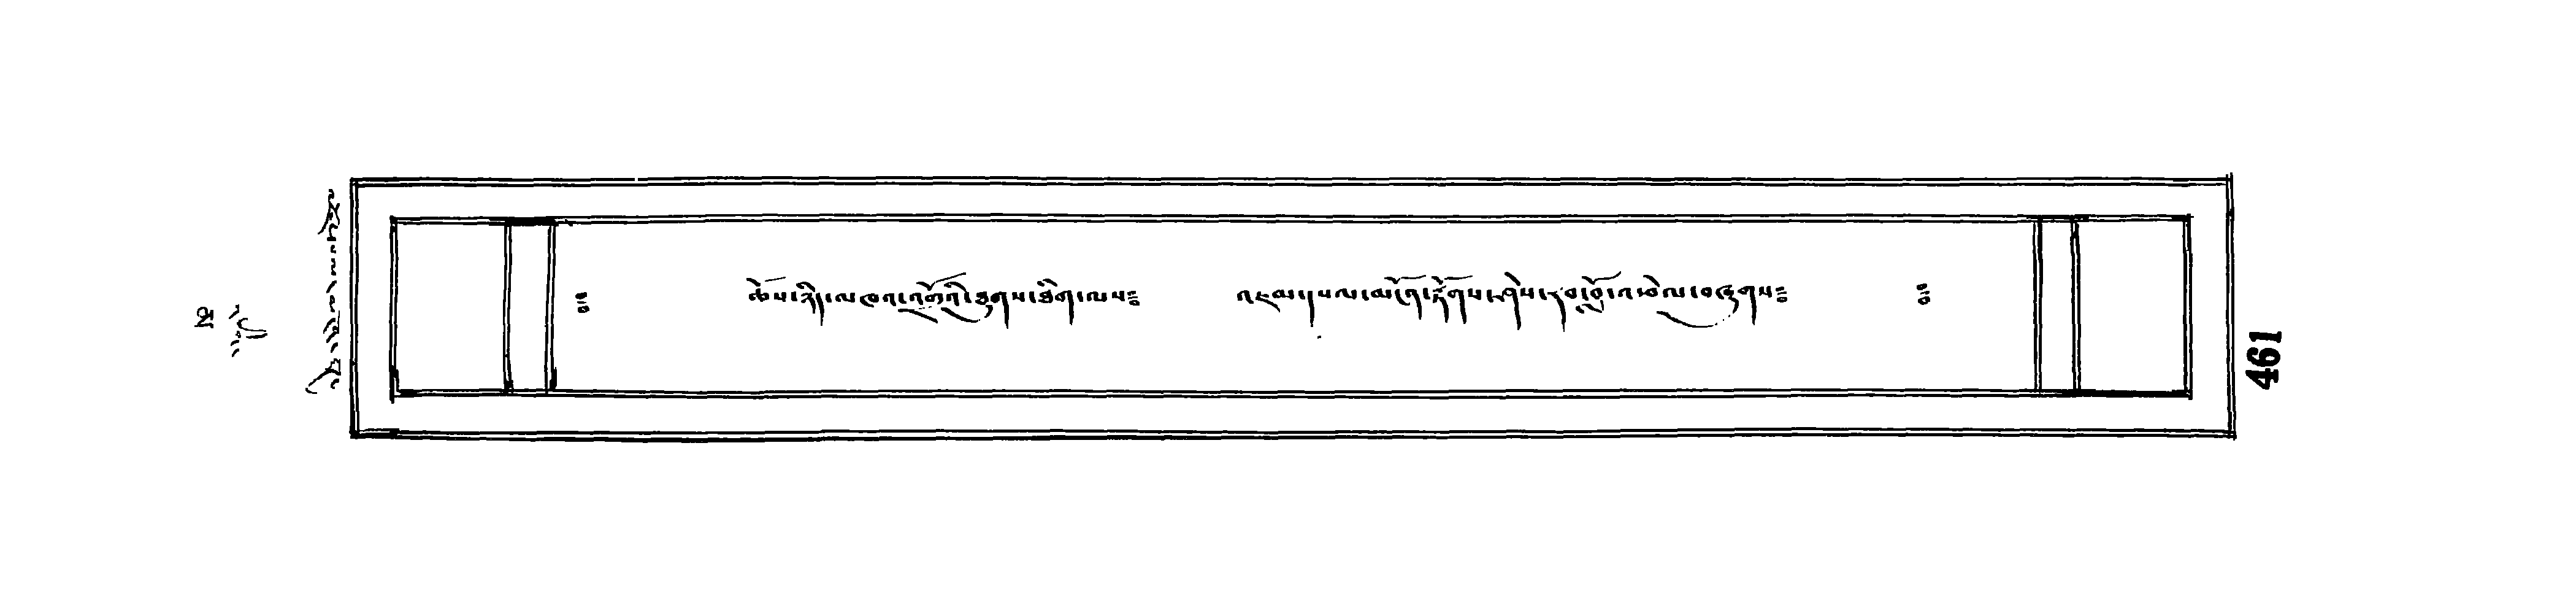ཆོས་ཉིད་མཁའ་འགྲོའི་ཐུགས་ཐིག་ལས༔ ་ འཇམ་དཔལ་མངོན་རྟོགས་ཤེས་རབ་བློ་འཕེལ་བཞུགས༔